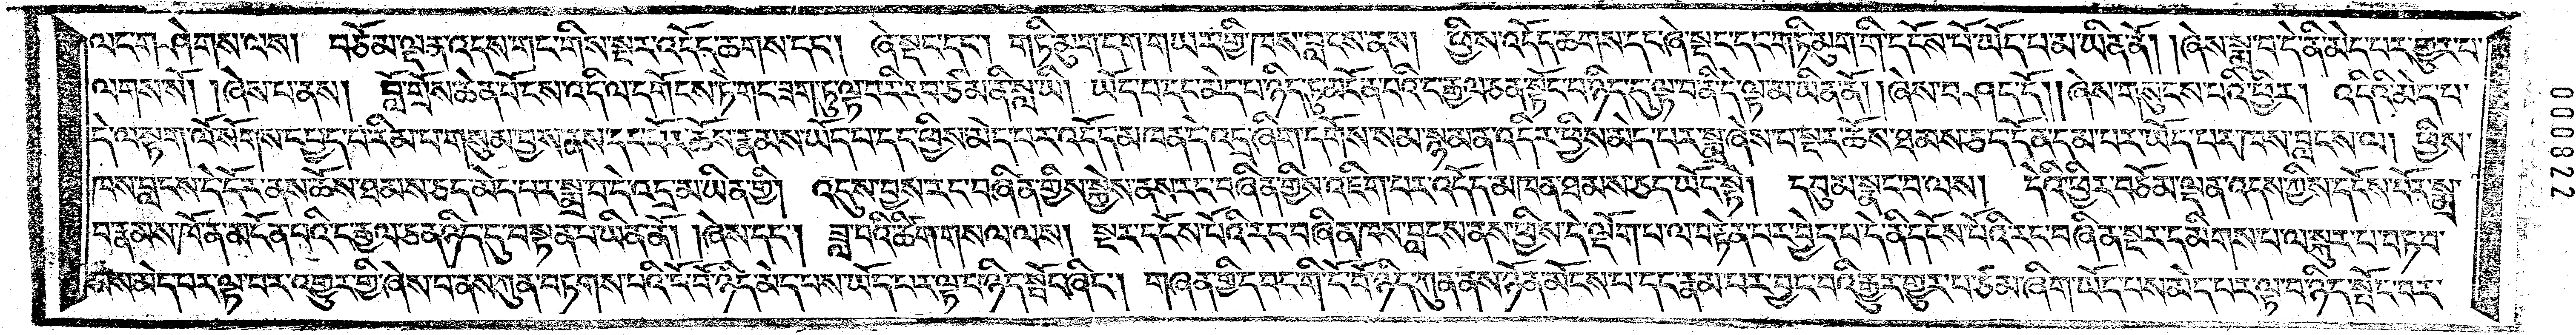ལང་གཤེགས་ལས། བཅོམ་ལྡན་འདས་གང་གིས་སྔར་འདོད་ཆགས་དང་། ཞེ་སྡང་དང་། གཏི་མུག་དག་གཡར་གྱི་ཁས་བླངས་ནས། ཕྱིས་འདོད་ཆགས་དང་ཞེ་སྡང་དང་གཏི་མུག་གི་དངོས་པོ་ཡོད་པ་མ་ཡིན་ནོ། །ཞེས་སྨྲ་བ་དེ་ནི་མེད་པར་གྱུར་པ་
ལགས་སོ། །ཞེས་པ་ནས། བློ་གྲོས་ཆེན་པོ་ངས་འདི་ལ་དགོངས་ཏེ་གང་ཟག་ཏུ་ལྟ་བ་རི་རབ་ཙམ་ནི་སླ་ཡི། ཡོད་པ་དང་མེད་པ་ཉིད་ཏུ་མངོན་པའི་ང་རྒྱལ་ཅན་སྟོང་པ་ཉིད་དུ་ལྟ་བ་ནི་དེ་ལྟ་མ་ཡིན་ནོ། །ཞེས་བཤད་དོ། །ཞེས་གསུངས་པའི་ཕྱིར། འདིའི་མེད་པ་
དེ་ལ་སྟག་ལོ་སོགས་དཔྱད་པ་རིམ་པ་གསུམ་བྱས་ནས་དང་པོར་ཆོས་རྣམས་ཡོད་པ་དང་ཕྱིས་མེད་པར་འདོད་མཁན་དེ་འདྲ་ཞིག་དགོས་སམ་སྙམ་ན་འདིར་ཕྱིས་མེད་པར་སྨྲ་ཞེས་པ་སྔར་ཆོས་ཐམས་ཅད་དོན་དམ་པར་ཡོད་པར་ཁས་བླངས་ལ། ཕྱིས་
ཁས་བླངས་དེ་དོར་ནས་ཆོས་ཐམས་ཅད་མེད་པར་སྨྲ་བ་དེ་འདྲ་མ་ཡིན་གྱི། འདུས་བྱས་རང་བཞིན་གྱིས་སྐྱེས་ནས་རང་བཞིན་གྱིས་འཇིག་པར་འདོད་མཁན་ཐམས་ཅད་ཡོང་སྟེ། དབུ་མ་སྣང་བ་ལས། དེའི་ཕྱིར་བཅོམ་ལྡན་འདས་ཀྱིས་དངོས་པོར་སྨྲ་
བ་རྣམས་ཁོ་ན་མངོན་པའི་ང་རྒྱལ་ཅན་ཉིད་དུ་བསྟན་པ་ཡིན་ནོ། །ཞེས་དང་། ཟླ་བའི་ཚིག་གསལ་ལས། སྔར་དངོས་པོའི་རང་བཞིན་ཁས་བླངས་ནས་ཕྱིས་དེ་ལྡོག་པ་ལ་བརྟེན་པར་བྱེད་པ་དེ་ནི་དངོས་པོའི་རང་བཞིན་སྔར་དམིགས་པ་ལ་སྐུར་བ་བཏབ་
པས་མེད་པར་ལྟ་བར་འགྱུར་གྱི་ཞེས་པ་ནས་ཀུན་བཏགས་པའི་ངོ་བོ་ཉིད་མེད་པས་ཡོད་པར་ལྟ་བ་ཉིད་སྤོང་ཞིང་། གཞན་གྱི་དབང་གི་ངོ་བོ་ཉིད་ཀུན་ནས་ཉོན་མོངས་པ་དང་རྣམ་པར་བྱང་བའི་རྒྱུར་གྱུར་པ་ཙམ་ཞིག་ཡོད་པས་མེད་པར་ལྟ་བ་ཉིད་སྤོང་བར་